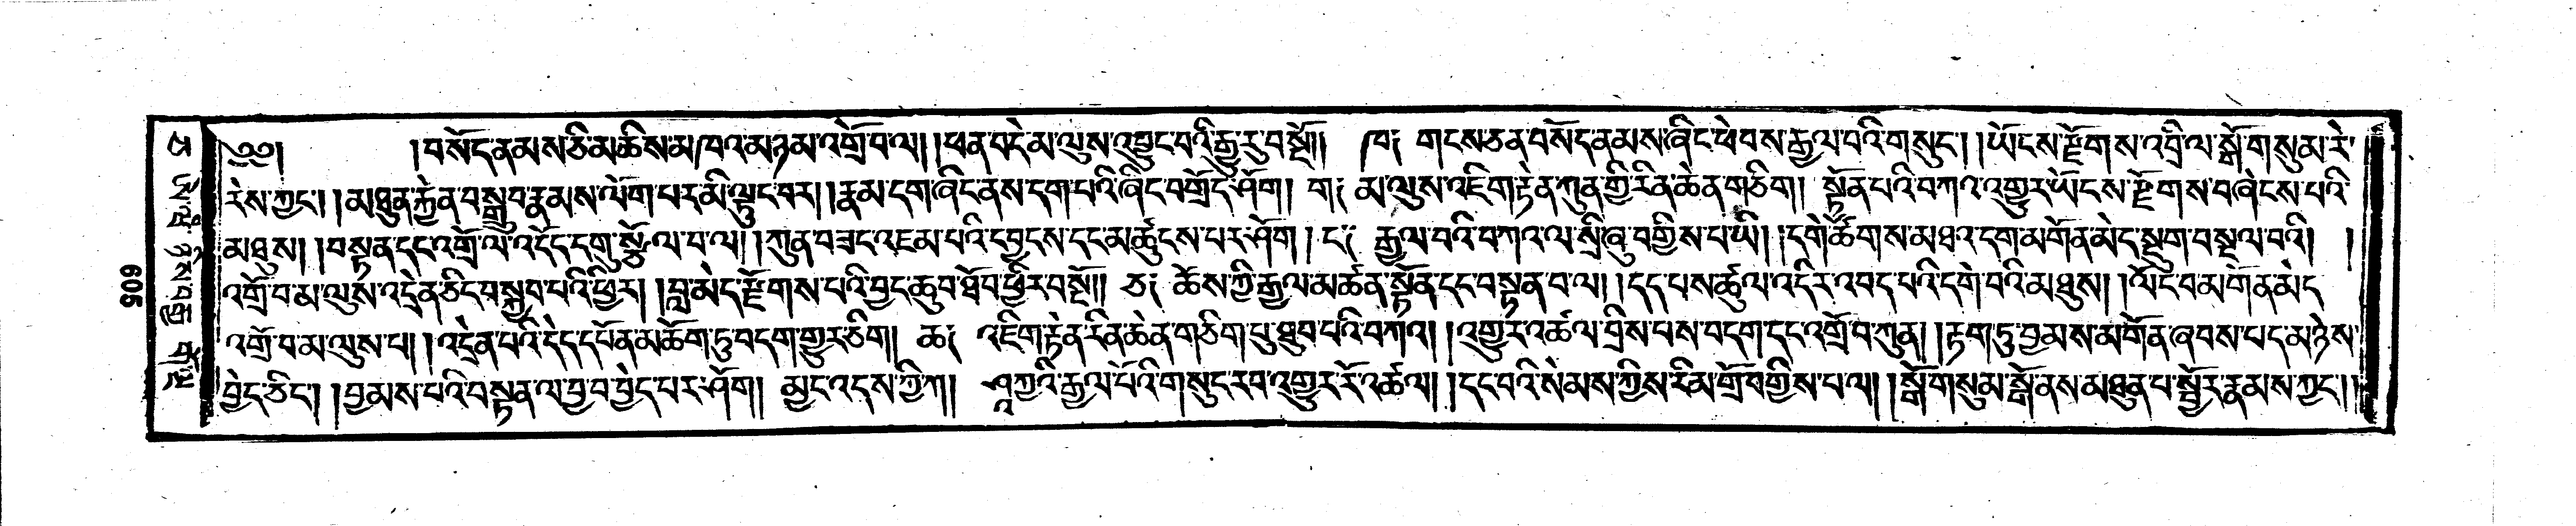༄༅། །བསོད་ནམས་ཅི་མཆིས་མཁའ་མཉམ་འགྲོ་བ་ལ། །ཕན་བདེ་མ་ལུས་འབྱུང་བའི་རྒྱུ་རུ་བསྔོ།། ཁ༑ གངས་ཅན་བསོད་ནམས་ཞིང་ཕེབས་རྒྱལ་བའི་གསུང་། །ཡོངས་རྫོགས་འབྲི་ལ་སྒོ་གསུམ་རེ་
རེས་ཀྱང་། །མཐུན་རྐྱེན་བསྒྲུབ་རྣམས་ལོག་པར་མི་ལྟུང་བར། །རྣམ་དག་ཞིང་ནས་དག་པའི་ཞིང་བགྲོད་ཤོག །ག༑ མ་ལུས་འཇིག་རྟེན་ཀུན་གྱི་རིན་ཆེན་གཅིག །སྟོན་པའི་བཀའ་འགྱུར་ཡོངས་རྫོགས་བཞེངས་པའི་
མཐུས། །བསྟན་དང་འགྲོ་ལ་འདོད་དགུ་སྩོལ་བ་ལ། །ཀུན་བཟང་འཇམ་པའི་དབྱངས་དང་མཚུངས་པར་ཤོག །ང༑ རྒྱལ་བའི་བཀའ་ལ་སྲི་ཞུ་བགྱིས་པ་ཡི། །དགེ་ཚོགས་མཐའ་དག་མགོན་མེད་སྡུག་བསྔལ་བའི། །
འགྲོ་བ་མ་ལུས་འདྲེན་ཅིང་བསྐྱབ་པའི་ཕྱིར། །བླ་མེད་རྫོགས་པའི་བྱང་ཆུབ་ཐོབ་ཕྱིར་བསྔོ།། ཅ༑ ཆོས་ཀྱི་རྒྱལ་མཚན་སྟོན་དང་བསྟན་པ་ལ། །དད་པས་ཚུལ་འདིར་འབད་པའི་དགེ་བའི་མཐུས། །ལོང་བ་མགོན་མེད་
འགྲོ་བ་མ་ལུས་པ། །འདྲེན་པའི་དེད་དཔོན་མཆོག་ཏུ་བདག་གྱུར་ཅིག །ཆ༑ འཇིག་རྟེན་རིན་ཆེན་གཅིག་པུ་ཐུབ་པའི་བཀའ། །འགྱུར་འཚལ་བྲིས་པས་བདག་དང་འགྲོ་བ་ཀུན། །རྟག་ཏུ་བྱམས་མགོན་ཞབས་པད་མཉེས་
བྱེད་ཅིང་། །བྱམས་པའི་བསྟན་ལ་བྱ་བ་བྱེད་པར་ཤོག །མྱང་འདས་ཀྱི་ཀ། ཤཱཀྱའི་རྒྱལ་པོའི་གསུང་རབ་འགྱུར་རོ་འཚལ། །དང་བའི་སེམས་ཀྱིས་རིམ་གྲོ་བགྱིས་པ་ལ། །སྒོ་གསུམ་སྒོ་ནས་མཐུན་པ་སྦྱོར་རྣམས་ཀྱང་། །